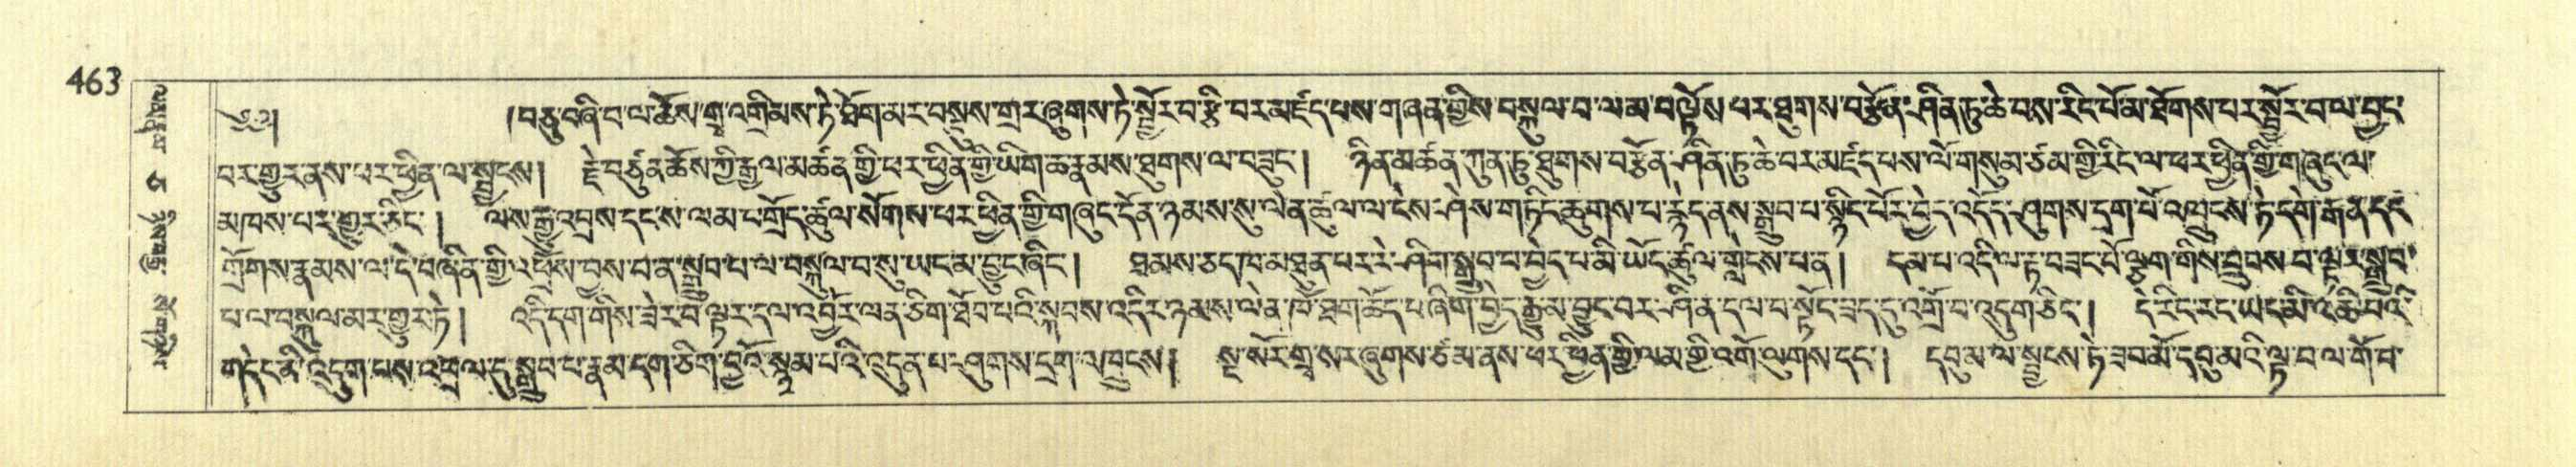༄༅། །བཅུ་བཞི་བ་ལ་ཆོས་གྲྭ་འགྲིམས་ཏེ་ཐོག་མར་བསྡུས་གྲར་བཞུགས་ཏེ་སྦྱོར་བ་རྩི་བར་མཛད་པས་གཞན་གྱིས་བསྐུལ་བ་ལམ་བལྟོས་པར་ཐུགས་བརྩོན་ཤིན་ཏུ་ཆེ་བས་རིང་པོ་མ་ཐོགས་པར་སྦྱོར་བ་ལ་བྱང་
བར་གྱུར་ནས་པར་ཕྱིན་ལ་སྦྱངས། རྗེ་བཙུན་ཆོས་ཀྱི་རྒྱལ་མཚན་གྱི་ཕར་ཕྱིན་གྱི་ཡིག་ཆ་རྣམས་ཐུགས་ལ་བཟུང་། ཉིན་མཚན་ཀུན་ཏུ་ཐུགས་བརྩོན་ཤིན་ཏུ་ཆེ་བར་མཛད་པས་ལོ་གསུམ་ཙམ་གྱི་རིང་ལ་ཕར་ཕྱིན་གྱི་གཞུང་ལ་
མཁས་པར་གྱུར་ཅིང་། ལས་རྒྱུ་འབྲས་དང་ས་ལམ་བགྲོད་ཚུལ་སོགས་ཕར་ཕྱིན་གྱི་གཞུང་དོན་ཉམས་སུ་ལེན་ཚུལ་ལ་ངེས་ཤེས་གཏིང་ཆུགས་པ་རྙེད་ནས་སྒྲུབ་པ་སྙིང་པོར་བྱེད་འདོད་ཤུགས་དྲག་པོ་འཁྲུངས་ཏེ་དགེ་རྒན་དང་
གྲོགས་རྣམས་ལ་དེ་བཞིན་གྱི་འཕྲོས་བྱས་བ་ན་སྒྲུབ་པ་ལ་བསྐུལ་བ་སུ་ཡང་མ་བྱུང་ཞིང་། ཐམས་ཅད་ཁ་མཐུན་པར་རེ་ཤིག་སྒྲུབ་པ་བྱེད་པ་མི་ཡོད་ཚུལ་གླེགས་པ་ན། དམ་པ་འདི་ལ་རྟ་བཟང་པོ་ལྕགས་གིས་བྲུབས་བ་ལྟར་སྒྲུབ་
པ་ལ་བསྐུལ་མར་གྱུར་ཏེ། འདི་དག་གིས་ཟེར་བ་ལྟར་དལ་འབྱོར་ལན་ཅིག་ཐོབ་པའི་སྐབས་འདིར་ཉམས་ལེན་ཁོ་ཐག་ཆོད་པ་ཞིག་བྱེད་རྒྱུ་མ་བྱུང་བར་ཤི་ན་དལ་བ་སྟོང་ཟད་དུ་འགྲོ་བ་འདུག་ཅིང་། དེ་རིང་རང་ཡང་མི་འཆི་བའི་
གདེང་མི་འདུག་པས་འཕྲེལ་དུ་སྒྲུབ་པ་རྣམ་དག་ཅིག་བྱའོ་སྙམ་པའི་འདུན་པ་ཤུགས་དྲག་འཁྲུངས། སྔ་སོར་གྲྭ་སར་ཞུགས་ཙམ་ནས་ཕར་ཕྱིན་གྱི་འོག་ལུགས་དང་། དབུ་མ་ལ་སྦྱངས་ཏེ་ཟབ་མོ་དབུ་མའི་ལྟ་བ་ལ་གོ་བ་